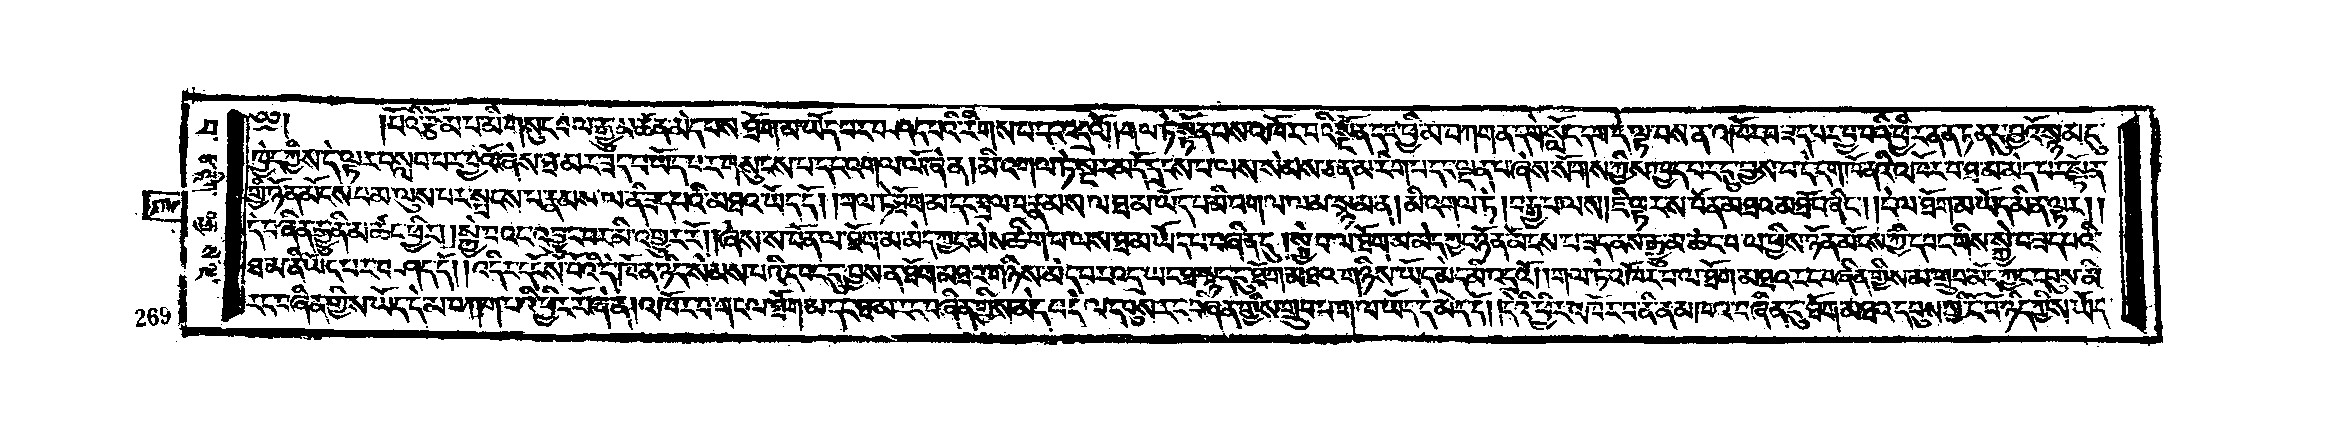༄༅། །པོའི་རྩོམ་པ་མི་གསུངས་བ་ལ་རྒྱུ་མཚན་མེད་པས་ཐོག་མ་ཡོད་པར་བཤད་པའི་རིགས་པ་དང་འདྲའོ། །གལ་ཏེ་སྟོན་པས་འཁོར་བའི་སྔོན་དང་ཕྱི་མ་བཀག་ན་དགེ་སློང་དག་དེ་ལྟ་བས་ན་འཁོར་བ་ཟད་པར་བྱ་བའི་ཕྱིར་ནན་ཏན་དུ་བྱའོ་སྙམ་དུ་
ཁྱེད་ཀྱིས་དེ་ལྟར་བསླབ་པར་བྱའོ་ཞེས་ཐ་མར་ཟད་པ་ཡོད་པར་གསུངས་པ་དང་འགལ་ལོ་ཞེ་ན། མི་འགལ་ཏེ་སྔར་མདོ་དྲངས་པ་ལས་སེམས་ཅན་མ་རིག་པ་དང་ལྡན་པ་ཞེས་སོགས་ཀྱིས་ཁྱད་པར་དུ་བྱས་པ་དེ་དག་ཁོ་ནའི་འཁོར་བ་ཐ་མ་མེད་པར་སྟོན་
གྱི་ཉོན་མོངས་པ་མ་ལུས་པར་སྤངས་པ་རྣམས་ལ་ནི་ཟད་པའི་མཐའ་ཡོད་དོ། །གལ་ཏེ་ཐོག་མ་དང་བྲལ་བ་རྣམས་ལ་ཐ་མ་ཡོད་པ་མི་འགལ་ལམ་སྙམ་ན། མི་འགལ་ཏེ། བརྒྱ་པ་ལས། ཇི་ལྟར་ས་བོན་མཐའ་མཐོང་ཞིང་། །དེ་ལ་ཐོག་མ་ཡོད་མིན་ལྟར།
དེ་བཞིན་རྒྱུ་ནི་མཚང་ཕྱིར། །སྐྱེ་བའང་འབྱུང་བར་མི་འགྱུར་རོ། །ཞེས་ས་བོན་ལ་ཐོག་མ་མེད་ཀྱང་མེས་ཚིག་པ་ལས་ཐ་མ་ཡོད་པ་བཞིན་དུ། སྐྱེ་བ་ལ་ཐོག་མ་མེད་ཀྱང་ཉོན་མོངས་པ་ཟད་ནས་རྒྱུ་མ་ཚང་བ་ལ་ཕྱིས་ཉོན་མོངས་ཀྱི་དབང་གིས་སྐྱེ་བ་ཟད་པའི་
ཐ་མ་ནི་ཡོད་པར་བཤད་དོ། །འདིར་དངོས་པོའི་དེ་ཁོ་ན་ཉིད་སེམས་པའི་དབང་དུ་བྱས་ན་ཐོག་མཐའ་གཉིས་མེད་པར་འདྲ་ཡང་ཐ་སྙད་དུ་ཐོག་མཐའ་གཉིས་ཡོད་མེད་ཀྱི་མི་འདྲའོ། །གལ་ཏེ་འཁོར་བ་ལ་ཐོག་མཐའ་རང་བཞིན་གྱིས་མ་གྲུབ་མོད་ཀྱང་དབུས་ནི་
རང་བཞིན་གྱིས་ཡོད་དེ་མ་བཀག་པའི་ཕྱིར་རོ་ཞེ་ན། འཁོར་བ་གང་ལ་ཐོག་མ་དང་ཐ་མ་རང་བཞིན་གྱིས་མེད་པ་དེ་ལ་དབུས་རང་བཞིན་གྱིས་གྲུབ་པ་ག་ལ་ཡོད་དེ་མེད་དོ། །དེའི་ཕྱིར་འཁོར་བ་ནི་ནམཁའ་བཞིན་དུ་ཐོག་མཐའ་དབུས་ཀྱི་ངོ་བོ་ཉིད་ཀྱིས་ཡོད་